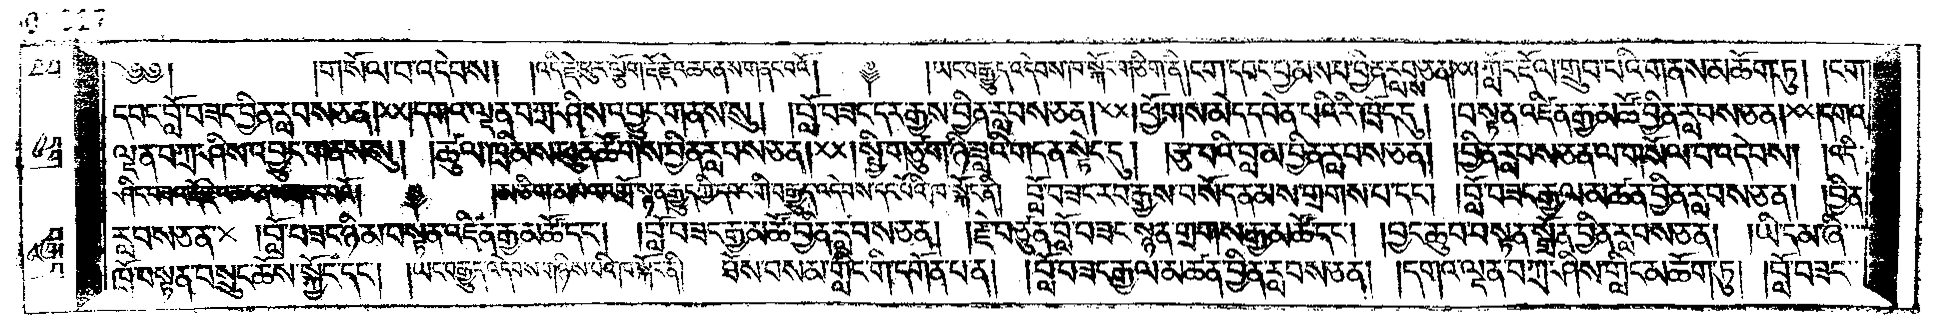༄༅། །གསོལ་བ་འདེབས། །འདི་རྗེ་ཕུར་ལྕོག་རྡོ་རྗེ་འཆང་ནས་གནང་བའོ། ༈ །ཡང་བརྒྱུད་འདེབས་ཁ་སྐོང་གཅིག་ནི།  ངག་དབང་བྱམས་པ་བྱིན་རླབས་ཅན། ྾྾་།ཀློང་རྡོལ་གྲུབ་པའི་གནས་མཆོག་ཏུ། །ངག་
དབང་བློ་བཟང་བྱིན་རླབས་ཅན། ྾྾་།དགའ་ལྡན་བཀྲ་ཤིས་འབྱུང་གནས་སུ། །བློ་བཟང་དར་རྒྱས་བྱིན་རླབས་ཅན། ྾྾་།ཕྱོགས་མེད་དབེན་པའི་རི་ཁྲོད་དུ། །བསྟན་འཛིན་རྒྱ་མཚོ་བྱིན་རླབས་ཅན། ྾྾་།དགའ་
ལྡན་བཀྲ་ཤིས་འབྱུང་གནས་སུ། །ཚུལ་ཁྲིམས་ཕུན་ཚོགས་བྱིན་རླབས་ཅན། ྾྾་།སྤྱི་གཙུག་ཉི་ཟླའི་གདན་སྟེང་དུ། །རྩ་བའི་བླ་མ་བྱིན་རླབས་ཅན། །བྱིན་རླབས་ཅན་ལ་གསོལ་བ་འདེབས། །འདི་
ཤིང་བཟའ་རྡོ་རྗེ་འཆང་ནས་གནང་བའོ། ༈ །མ་ཅིག་མཁའ་འགྲོ་སྙན་རྒྱུད་ཀྱི་དབང་གི་བརྒྱུད་འདེབས་དང་པོའི་ཁ་སྐོང་ནི། བློ་བཟང་རབ་རྒྱས་བསོད་ནམས་གྲགས་པ་དང་། །བློ་བཟང་རྒྱལ་མཚན་བྱིན་རླབས་ཅན། །བྱིན་
རླབས་ཅན་྾་།བློ་བཟང་ཉི་མ་བསྟན་འཛིན་རྒྱ་མཚོ་དང་། །བློ་བཟང་རྒྱ་མཚོ་བྱིན་རླབས་ཅན། །རྗེ་བཙུན་བློ་བཟང་སྙན་གྲགས་རྒྱ་མཚོ་དང་། །བྱང་ཆུབ་བསྟན་སྒྲོན་བྱིན་རླབས་ཅན། །ཡི་དམ་ཞི་
ཁྲོ་བསྟན་བསྲུང་ཆོས་སྐྱོང་དང་། །ཡང་བརྒྱུད་འདེབས་གཉིས་པའི་ཁ་སྐོང་ནི།  ཐོས་བསམ་གླིང་གི་དགོན་པ་ན། །བློ་བཟང་རྒྱལ་མཚན་བྱིན་རླབས་ཅན། །དགའ་ལྡན་བཀྲ་ཤིས་གླིང་མཆོག་ཏུ། །བློ་བཟང་